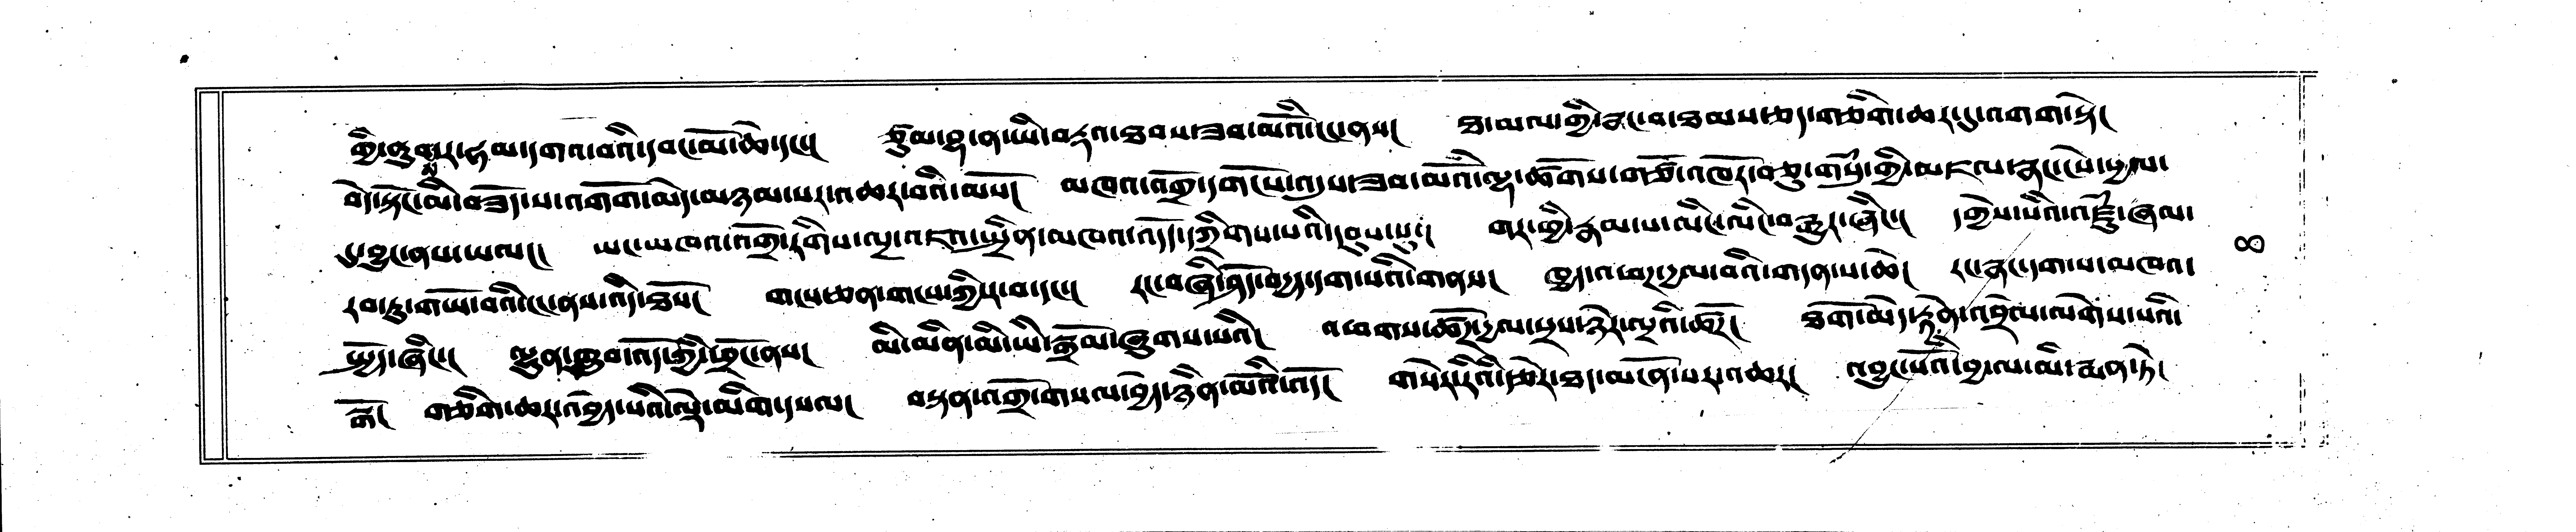གྱི་ནུབ་ན་ར་ཧམ་དགའ་བའི་དབང་མོ་ཆེ་དང་། ཙུམ་བྷ་ན་ཡི་བརྡ་ཐབས་ཟབ་མོའི་ངང་ནས། ཐ་མལ་གྱི་སྣང་བ་ཐམས་ཅད་ཅིག་ཆར་དུ་འགག་སྟེ། 
བདེ་སྟོང་མི་བཟོད་པ་འགོག་མེད་མཉམ་པར་འཆར་བའི་མོས། མཁའ་འགྲོ་དགོངས་འདུས་ཟབ་མོའི་ལྷ་ཚོགས་གཙོ་འཁོར་བཅུ་གསུམ་གྱི་མཇལ་སྣང་ངེས་གསལ་
དུ་བྱུང་ནས་ཡལ། ཡང་མཁའ་འགྲོ་རིགས་ལྔ་འཇའ་སྤྲིན་མཁའ་འོད་དཀྲིགས་པའི་དབུས་སུ། གར་གྱི་རྣམ་པ་ལིང་ལིང་བསྒྱུར་ཞིང་དགྱེས་པའི་འཛུམ་ཞལ་
རབ་ཏུ་གཡོ་བའི་ངང་ནས་འདི་ཐོས། གངས་ཅན་གངས་ཀྱི་རྭ་བ་དང་། རོང་བཞི་ཤོད་བརྒྱད་དག་པའི་གནས། ཁྱད་འཕགས་རྒྱལ་བའི་གདན་ས་ཆེ། རང་སྣང་དག་པ་མཁའ་
སྤྱོད་ཞིང་། ལྷུན་གྲུབ་འོད་ཀྱི་ཕོ་བྲང་ནས། མི་མིན་མི་ཡི་སྒྲོལ་ཞུགས་པའི། འཕགས་ཚོགས་རྒྱལ་སྲས་ཉེར་ལྔའི་ཚོགས། ཐོགས་མེད་རྟེན་འབྲེལ་ལེགས་པའི་
སྒོ། གཅིག་ཆར་འབྱེད་པའི་ལྡེ་མིག་དཔལ། བསྟན་འགྲོ་གསལ་བྱེད་ཉིན་མོའི་འོད། གསེར་རིའི་རྩེར་ཐད་མངོན་པར་འཆར། འབྱུང་པོའི་བྱ་ལ་མི་སྨན་ཏེ།